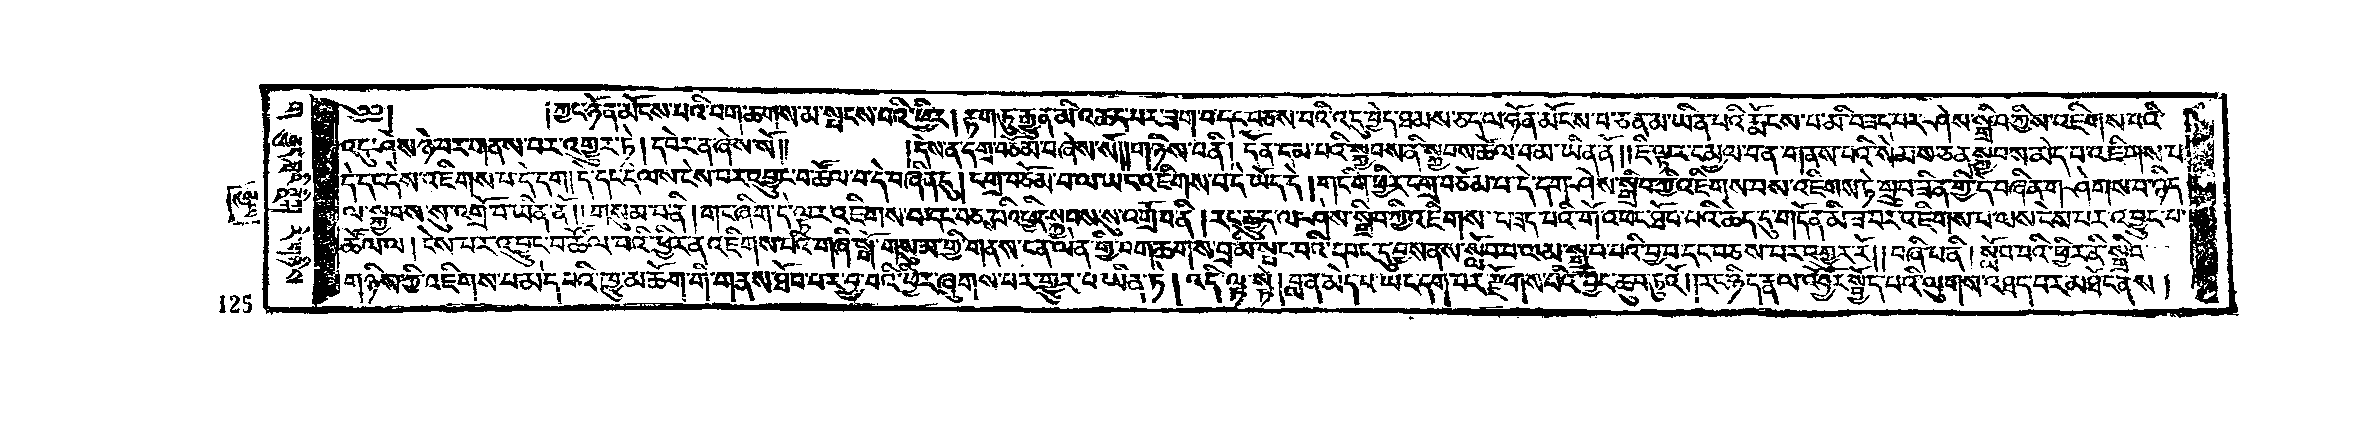༄༅། །ཀྱང་ཉོན་མོངས་པའི་བག་ཆགས་མ་སྤངས་པའི་ཕྱིར། རྟག་ཏུ་རྒྱུན་མི་འཆད་པར་ཟག་པ་དང་བཅས་པའི་འདུ་བྱེད་ཐམས་ཅད་ལ་ཧོན་མོངས་པ་ཅན་མ་ཡིན་པའི་རྨོངས་པ་མི་བཟད་པར་ཤེས་སྒྲིབ་ཀྱིས་འཇིགས་པའི་
འདུ་ཤེས་ཉེ་བར་གནས་པར་འགྱུར་ཏེ། དཔེར་ན་ཞེས་སོ།། །དེས་ན་དགྲ་བཅོམ་པ་ཞེས་སོ། །གཉིས་པ་ནི། དོན་དམ་པའི་སྐྱབས་ནི་སྐྱབས་ཚོལ་བ་མ་ཡིན་ནོ། །ཇི་ལྟར་དམྱལ་བ་ན་གནས་པའི་སེམས་ཅན་སྐྱབས་མེད་པ་འཇིགས་པ་
དེ་དང་དེས་འཇིགས་པ་དེ་དག །དེ་དང་དེ་ལས་ངེས་པར་འབྱུང་བ་ཚོལ་བ་དེ་བཞིན་དུ། །དགྲ་བཅོམ་པ་ལ་ཡང་འཇིགས་པ་དེ་ཡོད་དེ། གང་གི་ཕྱིར་དགྲ་བཅོམ་པ་དེ་དག་ཤེས་སྒྲིབ་ཀྱི་འཇིགས་པས་འཇིགས་ཏེ་གྲུབ་ཟིན་གྱི་དེ་བཞིན་གཤེགས་པ་ཉིད་
ལ་སྐྱབས་སུ་འགྲོ་བ་ཡིན་ནོ། །གསུམ་པ་ནི། གང་ཞིག་དེ་ལྟར་འཇིགས་པ་དང་བཅས་པའི་ཕྱིར་སྐྱབས་སུ་འགྲོ་བ་ནི། རང་རྒྱུད་ལ་ཤེས་སྒྲིབ་ཀྱི་འཇིགས་པ་ཟད་པའི་གོ་འཕང་ཐོབ་པའི་ཆེད་དུ་གདོན་མི་ཟ་བར་འཇིགས་པ་ལས་ངེས་པར་འབྱུང་བ་
ཚོལ་ལ། ངེས་པར་འབྱུང་བ་ཚོལ་བའི་ཕྱིར་ན་འཇིགས་པའི་གཞི་སྒོ་གསུམ་གྱི་གནས་ངན་ལེན་གྱི་བག་ཆགས་བྲ་མི་སྤང་བའི་དབང་དུ་བྱས་ནས་སློབ་པ་ལམ་སྒྲུབ་པའི་བྱ་བ་དང་བཅས་པར་འགྱུར་རོ། །བཞི་པ་ནི། སློབ་པའི་ཕྱིར་ནི་སྒྲིབ་
གཉིས་ཀྱི་འཇིགས་པ་མེད་པའི་ཁྱུ་མཆོག་གི་གནས་ཐོབ་པར་བྱ་བའི་ཕྱིར་ཞུགས་པར་གྱུར་པ་ཡིན་ཏེ། འདི་ལྟ་སྟེ། བླ་ན་མེད་པ་ཡང་དག་པར་རྫོགས་པའི་བྱང་ཆུབ་ཏུའོ། །རང་ཉིད་རྣལ་འབྱོར་སྤྱོད་པའི་ལུགས་འཐད་པར་མཐོང་ནས།